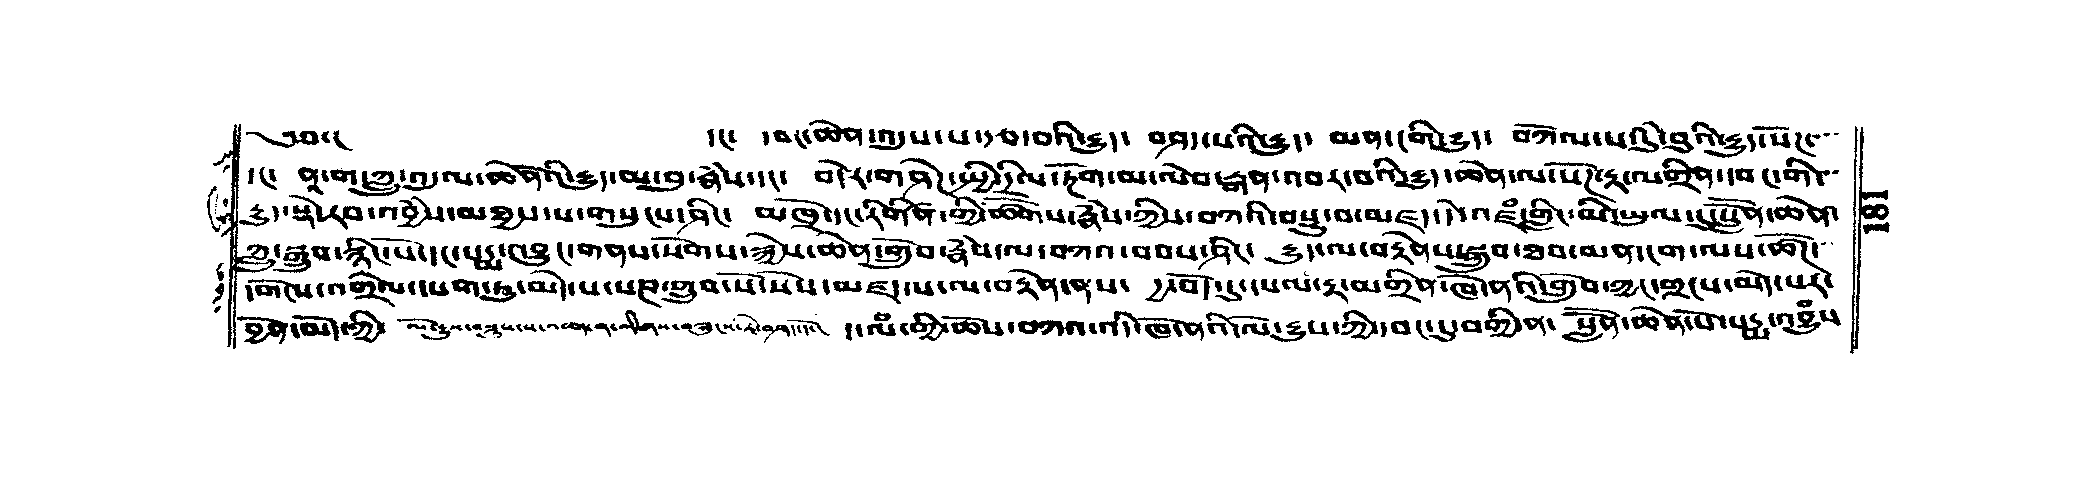དང་། དབང་ཆེན་འདུས་པ་རྩ་བའི་རྒྱུད། བཤད་པའི་རྒྱུད། མན་ངག་གི་རྒྱུད། བཀོལ་པ་དུམ་བུའི་རྒྱུད་སོགས་
དང་། ནཱ་ག་ཀླུ་འདུལ་ཆེན་པོའི་རྒྱུད་མ་བུ་རྣམས་དང་། བདེ་གཤེགས་སྤྱི་དྲིལ་རྔོག་མ་ལེབ་རྒན་འབར་བའི་རྒྱུད་ཆེན་ལ་སོགས་རྟ་མགྲིན་དབང་གི་
རྒྱུད་སྡེ་རབ་འབྱམས་མཐའ་ཡས་གསུངས་ཤིང་། མཁའ་འགྲོ་དང་རིག་འཛིན་གྱི་ཚོགས་རྣམས་ཀྱི་བཀའི་བསྡུ་བ་མཛད་དེ་འཛམ་གླིང་མི་ཡུལ་དུ་སློབ་དཔོན་ཆེན་
ཀླུ་སྒྲུབ་སྙིང་པོ་དང་པདྨ་འབྱུང་གནས་སོགས་སྐྱེས་ཆེན་གྲུབ་ཐོབ་རྣམས་ལ་བཀའ་བབས་ཤིང་། རྒྱུད་ལ་བརྟེན་ནས་སྒྲུབ་ཐབ་མན་ངག་ལས་ཚོགས་
དགོངས་འགྲེལ་དཔག་ཏུ་མེད་པ་པཎ་གྲུབ་སོ་སོས་མཛད་པ་ལ་བརྟེན་ནས། རྒྱ་བོད་དུ་དཔལ་རྟ་མགྲིན་ཁོ་ནའི་གྲུབ་ཐོབ་ཀྱང་གྲངས་མེད་པར་
བྱོན་མོད་ཀྱི། ལོ་རྒྱུས་བསྡུས་པ་འཆད་ན་འདི་གས་བཟུངས་ཏེ་བཤད་དོ། ད་ལམ་གྱི་ཆོས་བཀའ་འདི་ཁོ་ནའི་ལོ་རྒྱུས་ཀྱི་དབང་དུ་བགྱི་ན། སློབ་དཔོན་ཆེན་པོ་པདྨ་འབྱུང་གནས་